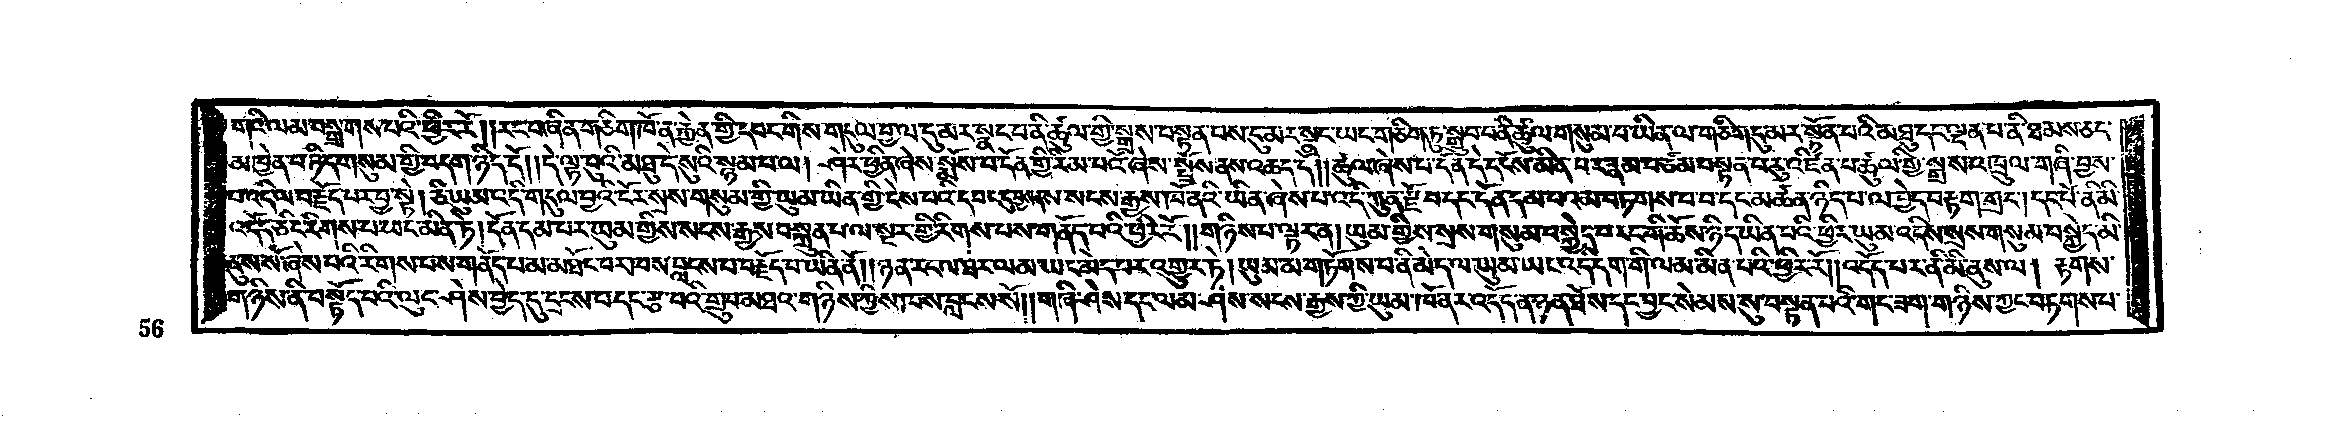གའི་ལམ་བསྒྲགས་པའི་ཕྱིར་རོ། །རང་བཞིན་གཅིག་ཁོ་ན་རྐྱེན་གྱི་དབང་གིས་གདུལ་བྱ་ལ་དུ་མར་སྣང་བ་ནི་ཚུལ་གྱི་སྒྲས་བསྟན་པས་དུ་མར་སྣང་ཡང་གཅིག་ཏུ་སྒྲུབ་པ་ནི་ཚུལ་གསུམ་པ་ཡིན་ལ་གཅིག་དུ་མར་སྟོན་པའི་མཐུ་དང་ལྡན་པ་ནི་ཐམས་ཅད་
མཁྱེན་པ་ཉིད་གསུམ་གྱི་བདག་ཉིད་དོ། །དེ་ལྟ་བུའི་མཐུ་དེ་སུའི་སྙམ་པ་ལ། ཤེར་ཕྱིན་ཞེས་སྨོས་པ་དོན་གྱི་རིམ་པའོ་ཞེས་སྤྲོས་ནས་འཆད་དོ། །ཚུལ་ཞེས་པ་དོན་དེ་དངོས་མིན་པར་རྣམ་པ་ཙམ་བསྟན་པ་རུ་འཛིན་པ་ཚུལ་གྱི་སྒྲས་འཁྲུལ་གཞི་བྱས་
པ་འདི་ལ་བརྗོད་པར་བྱ་སྟེ། ཅི་ཡུམ་འདི་གདུལ་བྱའི་ངོར་སྲས་གསུམ་གྱི་ཡུམ་ཡིན་གྱི་ངེས་པའི་དབང་དུ་བྱས་ནས་སངས་རྒྱས་ཁོ་ནའི་ཡིན་ཞེས་པ་འདི་ཀུན་རྫོབ་དང་དོན་དམ་པའམ་བཏགས་པ་བ་དང་མཚན་ཉིད་པ་ལ་བྱེད་བརྟག་གྲང་། དང་པོ་ནི་མི་
འདོད་ཅིང་རིགས་པ་ཡང་མིན་ཏེ། དོན་དམ་པར་ཡུམ་གྱིས་སངས་རྒྱས་བསྐྲུན་པ་ལ་སྔར་གྱི་རིགས་པས་གནོད་པའི་ཕྱིར་རོ། །གཉིས་པ་ལྟར་ན། ཡུམ་གྱིས་སྲས་གསུམ་བསྐྱེད་པ་རང་གི་ཆོས་ཉིད་ཡིན་པའི་ཕྱིར་ཡུམ་འདིས་སྲས་གསུམ་བསྐྱེད་མི་
ནུས་སོ་ཞེས་པའི་རིགས་པས་གནོད་པ་མ་མཐོང་བར་ཁས་བླངས་པ་བརྗོད་པ་ཡིན་ནོ། །ཉན་རང་ལ་ཐར་ལམ་ཡང་མེད་པར་འགྱུར་ཏེ། ཡུམ་མ་གཏོགས་པ་ནི་མེད་ལ་ཡུམ་ཡང་འདི་དག་གི་ལམ་མིན་པའི་ཕྱིར་རོ། །འདོད་པར་ནི་མི་ནུས་ལ། རྟགས་
གཉིས་ནི་བསྟོད་པའི་ལུང་ཤེས་བྱེད་དུ་དྲངས་པ་དང་རྩ་བའི་གྲུབ་མཐའ་གཉིས་ཀྱིས་ཁས་བླངས་སོ། །གཞི་ཤེས་དང་ལམ་ཤེས་སངས་རྒྱས་ཀྱི་ཡུམ་ཁོ་ནར་འདོད་ན་ཉན་ཐོས་དང་བྱང་སེམས་སུ་བསྟན་པའི་གང་ཟག་གཉིས་ཀྱང་བཏགས་པ་